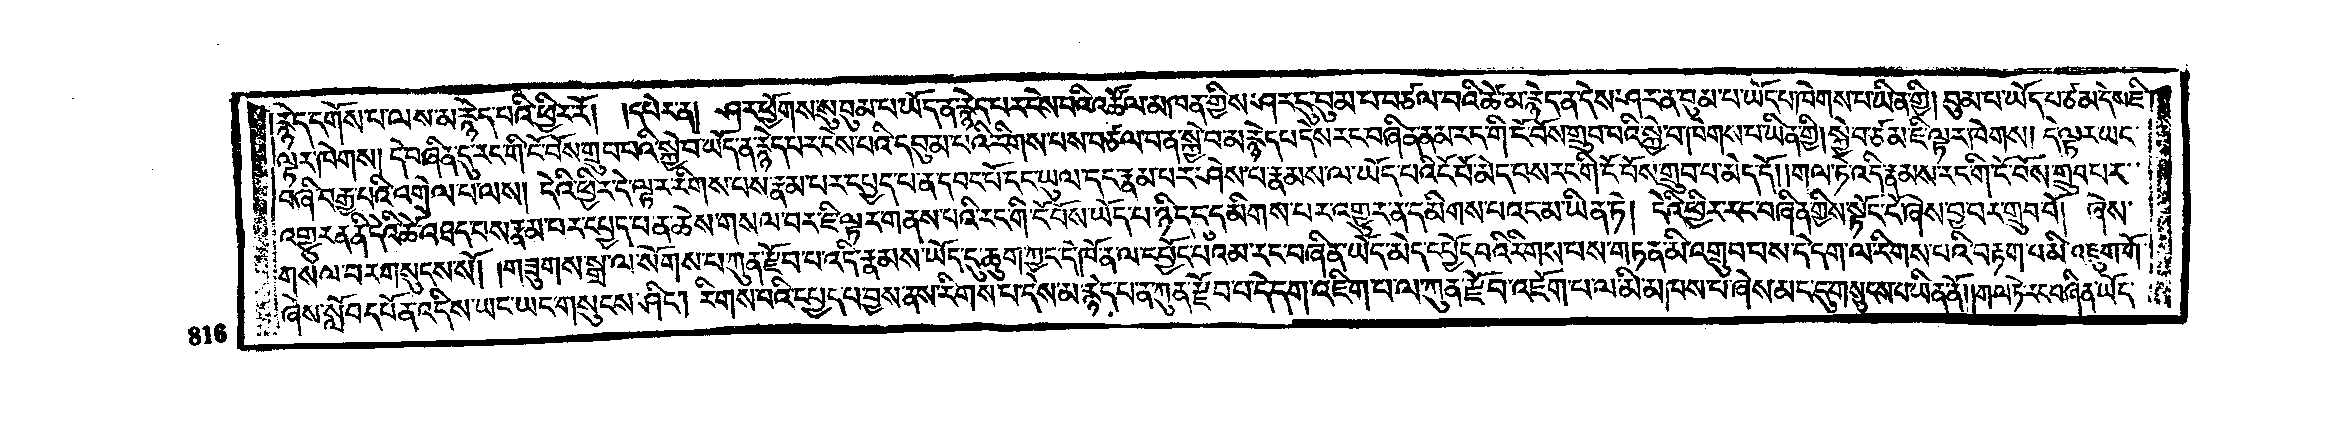རྙེད་དགོས་པ་ལས་མ་རྙེད་པའི་ཕྱིར་རོ། །དཔེར་ན། ཤར་ཕྱོགས་སུ་བུམ་པ་ཡོད་ན་རྙེད་པར་ངེས་པའི་འཚོལ་མཁན་གྱིས་ཤར་དུ་བུམ་པ་བཙལ་བའི་ཚེ་མ་རྙེད་ན་དེས་ཤར་ན་བུམ་པ་ཡོད་པ་ཁེགས་པ་ཡིན་གྱི། བུམ་པ་ཡོད་པ་ཙམ་དེས་ཇི་
ལྟར་ཁེགས། དེ་བཞིན་དུ་རང་གི་ངོ་བོས་གྲུབ་པའི་སྐྱེ་བ་ཡོད་ན་རྙེད་པར་ངེས་པའི་དབུ་མ་པའི་རིགས་པས་བཙལ་བ་ན་སྐྱེ་བ་མ་རྙེད་པ་དེས་རང་བཞིན་ནམ་རང་གི་ངོ་བོས་གྲུབ་པའི་སྐྱེ་བ་ཁེགས་པ་ཡིན་གྱི། སྐྱེ་བ་ཙམ་ཇི་ལྟར་ཁེགས། དེ་ལྟར་ཡང་
བཞི་བརྒྱ་པའི་འགྲེལ་པ་ལས། དེའི་ཕྱིར་དེ་ལྟར་རིགས་པས་རྣམ་པར་དཔྱད་པ་ན་དབང་པོ་དང་ཡུལ་དང་རྣམ་པར་ཤེས་པ་རྣམས་ལ་ཡོད་པའི་ངོ་བོ་མེད་པས་རང་གི་ངོ་བོས་གྲུབ་པ་མེད་དོ། །གལ་ཏེ་འདི་རྣམས་རང་གི་ངོ་བོས་གྲུབ་པར་
འགྱུར་ན་ནི་དེའི་ཚེ་འཐད་པས་རྣམ་པར་དཔྱད་པ་ན་ཆེས་གསལ་བར་ཇི་ལྟར་གནས་པའི་རང་གི་ངོ་བོས་ཡོད་པ་ཉིད་དུ་དམིགས་པར་འགྱུར་ན་དམིགས་པའང་མ་ཡིན་ཏེ། དེའི་ཕྱིར་རང་བཞིན་གྱིས་སྟོང་ངོ་ཞེས་བྱ་བར་གྲུབ་བོ། །ཞེས་
གསལ་བར་གསུངས་སོ། །གཟུགས་སྒྲ་ལ་སོགས་པ་ཀུན་རྫོབ་པ་འདི་རྣམས་ཡོད་དུ་ཆུག་ཀྱང་དེ་ཁོ་ན་ལ་དཔྱོད་པའམ་རང་བཞིན་ཡོད་མེད་དཔྱོད་པའི་རིགས་པས་གཏན་མི་འགྲུབ་པས་ས་དེ་དག་ལ་རིགས་པའི་བརྟག་པ་མི་འཇུག་གོ་
ཞེས་སློབ་དཔོན་འདིས་ཡང་ཡང་གསུངས་ཤིང་། རིགས་པའི་དཔྱད་པ་བྱས་ནས་རིགས་པ་དེས་མ་རྙེད་པ་ན་ཀུན་རྫོབ་པ་དེ་དག་འཇིག་པ་ལ་ཀུན་རྫོབ་འཇོག་པ་ལ་མི་མཁས་པ་ཞེས་མང་དུ་གསུངས་པ་ཡིན་ནོ། །གལ་ཏེ་རང་བཞིན་ཡོད་